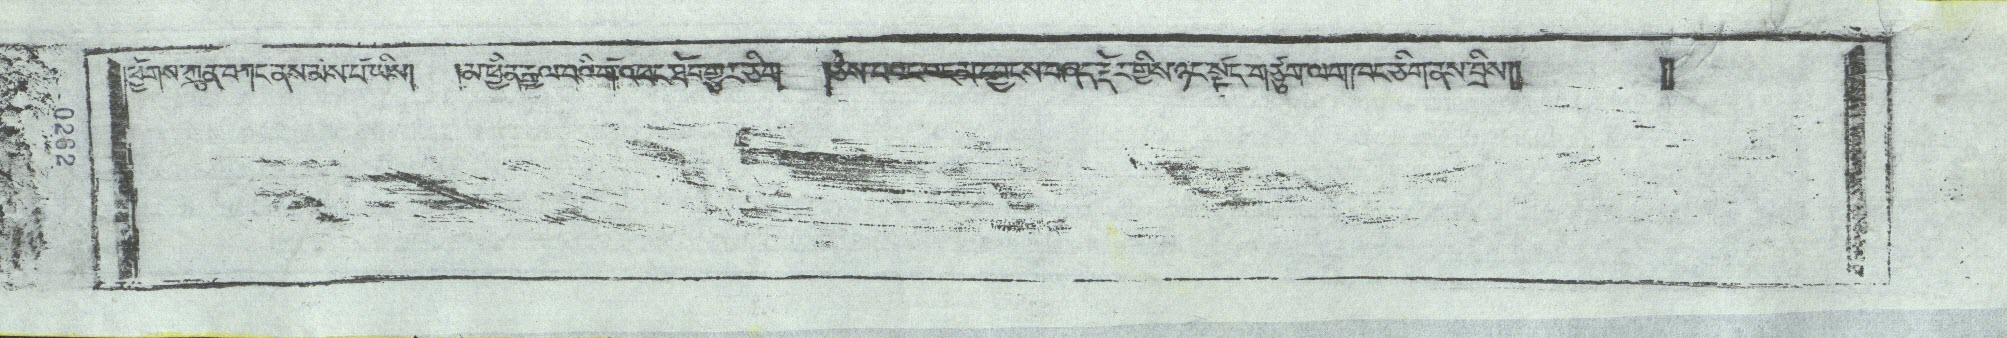ཕྱོགས་ཀུན་བཀང་ནས་མེས་པོ་ཡིས། །མ་ཕྱིན་རྒྱལ་བའི་གོ་འཕང་ཐོབ་གྱུར་ཅིག །ཅེས་པའང་འཇམ་དབྱངས་བཞད་རྡོར་གྱིས་ཉང་སྟོད་གཙུག་ལག་ཁང་ཅིག་ནས་བྲིས།། །།